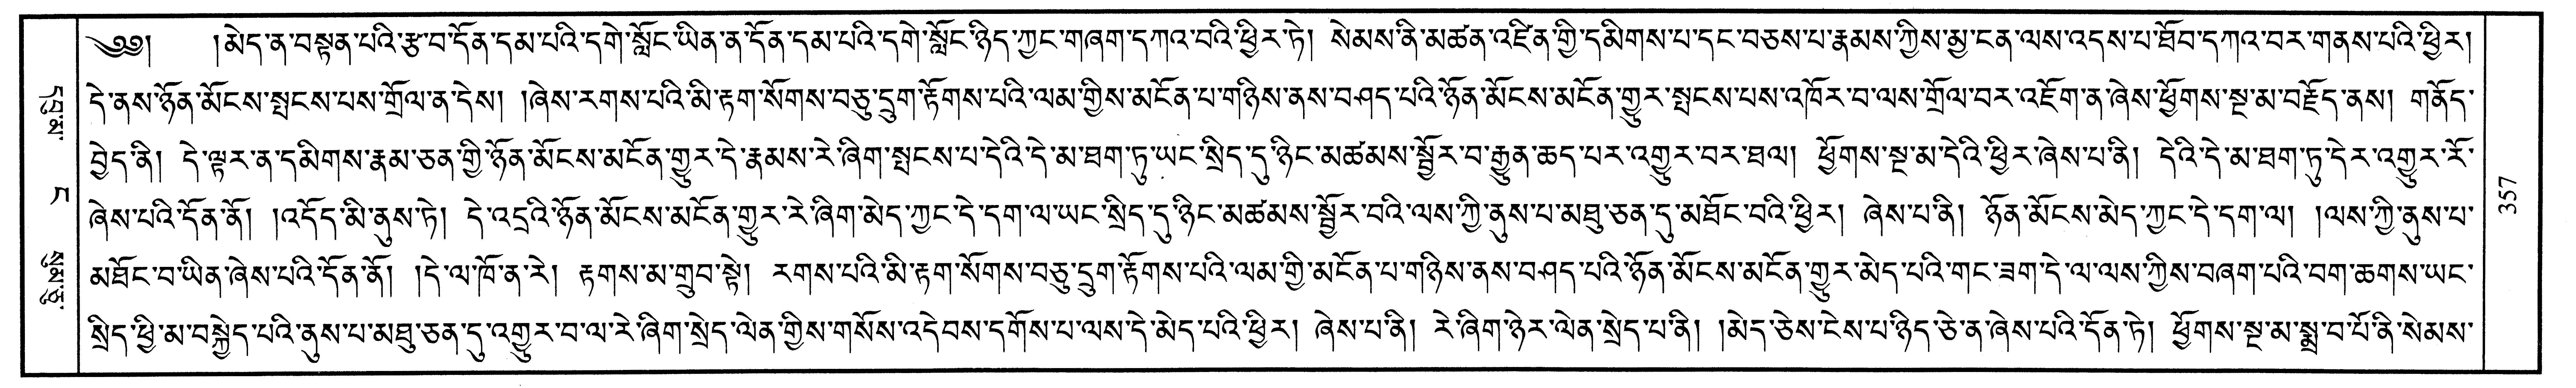༄༅། །མེད་ན་བསྟན་པའི་རྩ་བ་དོན་དམ་པའི་དགེ་སློང་ཡིན་ན་དོན་དམ་པའི་དགེ་སློང་ཉིད་ཀྱང་གཞག་དཀའ་བའི་ཕྱིར་ཏེ། སེམས་ནི་མཚན་འཛིན་གྱི་དམིགས་པ་དང་བཅས་པ་རྣམས་ཀྱིས་མྱ་ངན་ལས་འདས་པ་ཐོབ་དཀའ་བར་གནས་པའི་ཕྱིར།
དེ་ནས་ཉོན་མོངས་སྤངས་པས་གྲོལ་ན་དེས། །ཞེས་རགས་པའི་མི་རྟག་སོགས་བཅུ་དྲུག་རྟོགས་པའི་ལམ་གྱིས་མངོན་པ་གཉིས་ནས་བཤད་པའི་ཉོན་མོངས་མངོན་གྱུར་སྤངས་པས་འཁོར་བ་ལས་གྲོལ་བར་འཇོག་ན་ཞེས་ཕྱོགས་སྔ་མ་བརྗོད་ནས། གནོད་
བྱེད་ནི། དེ་ལྟར་ན་དམིགས་རྣམ་ཅན་གྱི་ཉོན་མོངས་མངོན་གྱུར་དེ་རྣམས་རེ་ཞིག་སྤངས་པ་དེའི་དེ་མ་ཐག་ཏུ་ཡང་སྲིད་དུ་ཉིང་མཚམས་སྦྱོར་བ་རྒྱུན་ཆད་པར་འགྱུར་བར་ཐལ། ཕྱོགས་སྔ་མ་དེའི་ཕྱིར་ཞེས་པ་ནི། དེའི་དེ་མ་ཐག་ཏུ་དེར་འགྱུར་རོ་
ཞེས་པའི་དོན་ནོ། །འདོད་མི་ནུས་ཏེ། དེ་འདྲའི་ཉོན་མོངས་མངོན་གྱུར་རེ་ཞིག་མེད་ཀྱང་དེ་དག་ལ་ཡང་སྲིད་དུ་ཉིང་མཚམས་སྦྱོར་བའི་ལས་ཀྱི་ནུས་པ་མཐུ་ཅན་དུ་མཐོང་བའི་ཕྱིར། ཞེས་པ་ནི། ཉོན་མོངས་མེད་ཀྱང་དེ་དག་ལ། །ལས་ཀྱི་ནུས་པ་
མཐོང་བ་ཡིན་ཞེས་པའི་དོན་ནོ། །དེ་ལ་ཁོ་ན་རེ། རྟགས་མ་གྲུབ་སྟེ། རགས་པའི་མི་རྟག་སོགས་བཅུ་དྲུག་རྟོགས་པའི་ལམ་གྱི་མངོན་པ་གཉིས་ནས་བཤད་པའི་ཉོན་མོངས་མངོན་གྱུར་མེད་པའི་གང་ཟག་དེ་ལ་ལས་ཀྱིས་བཞག་པའི་བག་ཆགས་ཡང་
སྲིད་ཕྱི་མ་བསྐྱེད་པའི་ནུས་པ་མཐུ་ཅན་དུ་འགྱུར་བ་ལ་རེ་ཞིག་སྲེད་ལེན་གྱིས་གསོས་འདེབས་དགོས་པ་ལས་དེ་མེད་པའི་ཕྱིར། ཞེས་པ་ནི། རེ་ཞིག་ཉེར་ལེན་སྲེད་པ་ནི། །མེད་ཅེས་ངེས་པ་ཉིད་ཅེ་ན་ཞེས་པའི་དོན་ཏེ། ཕྱོགས་སྔ་མ་སྨྲ་བ་པོ་ནི་སེམས་